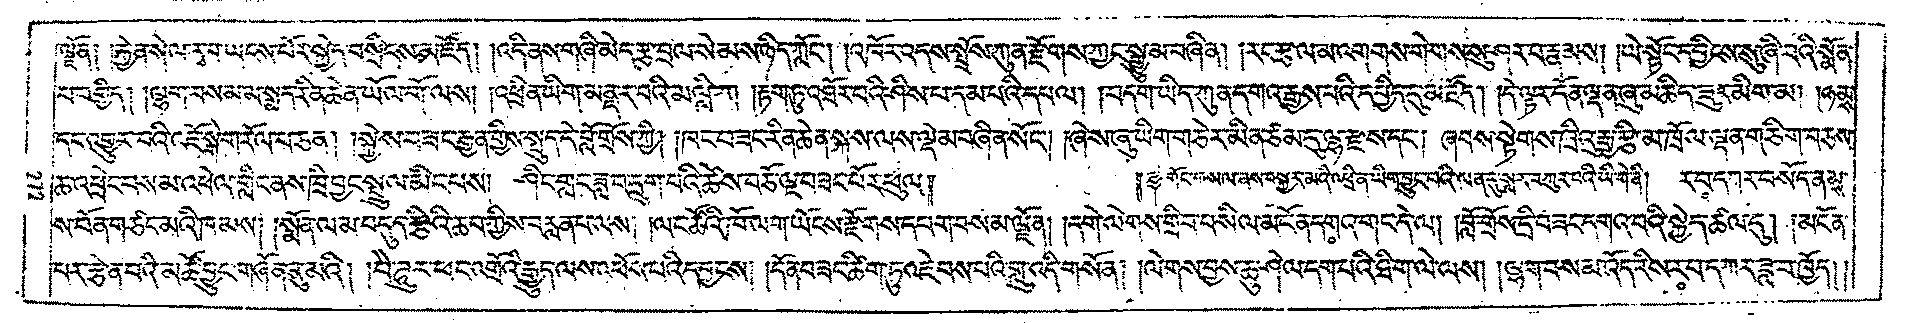ལྗོན། །རྐྱེན་སེལ་རྭ་བ་ཡངས་པོར་སྐྱེད་བསྲིངས་མཛོད། །འདི་ནས་གཞི་མེད་རྩ་བྲལ་སེམས་ཉིད་ཀློང་། །འཁོར་འདས་སྤྲོས་ཀུན་རྫོགས་ཀྱང་སྒྱུ་མ་བཞིན། །རང་རྩལ་མ་འགགས་གེགས་སུ་ཤར་བ་རྣམས། །ཡེ་སྟོང་དབྱིངས་སུ་ཞི་བའི་སྨོན་
པ་བགྱིད། །ལྷག་བསམ་མ་སྨད་རིན་ཆེན་ཡོལ་གོ་ལས། །འཕྲིན་ཡིག་མནྡ་ར་བའི་མལླི་ཀ །རྟག་ཏུ་འཐོར་བའི་ཤིས་པ་དམ་པའི་དཔལ། །བདག་ཡིད་ཀུན་དགའ་རྒྱས་པའི་དཔྱིད་དུ་མཛོད། །དེ་ལྟར་དོན་ལྡན་ཞུ་མཆིད་ཟུར་མིག་མ། །ཉམས་
དང་འགྱུར་བའི་འཇོ་སྒེག་རོལ་པ་ཅན། །སྐྱེས་བཟང་རྒྱན་གྱིས་སྤུད་དེ་བློ་གྲོས་ཀྱི། །ཁང་བཟང་རིན་ཆེན་སྐས་ལས་ལྡེམ་བཞིན་སོང་། །ཞེས་ཞུ་ཡིག་གཅེར་མིན་ཙམ་དུ་ལྷ་རྫས་དང་། ཞབས་སྟེགས་ཁྲིའུ་རྒྱ་རྩི་མ་ཁྲོལ་ལྡན་གཅིག་བཅས་
ཆ་འཕྲེང་བསམ་འཕེལ་གླིང་ནས་ཁྲི་བྱང་སྤྲུལ་མིང་པས། ཤིང་གླང་ཟླ་བ་དྲུག་པའི་ཚེས་བཅོ་ལྔ་བཟང་པོར་ཕུལ།། །།༈ གོང་གསལ་ནས་བསྐྱར་མའི་འཕྲིན་ཡིག་བྱུང་བའི་ལན་དུ་སླར་བཀུར་བའི་ཡི་གེ་ནི།  རབ྾་དཀར་བསོད་ནམས་
ས་བོན་གཙང་མའི་ཁམས། །སྨོན་ལམ་བདུད་རྩིའི་ཆབ་ཀྱིས་བརླན་པ་ལས། །ལང་ཚོའི་ཁོ་ལག་ཡོངས་རྫོགས་དཔག་བསམ་ལྗོན། །དགེ་ལེགས་གྲིབ་བསིལ་མངོན་དགའ྾་གང་དེ་ལ། །བློ་གྲོས་དྲི་བཟང་དགའ་བའི་སྐྱེད་ཚལ་དུ། །མངོན་
པར་རྩེན་པའི་མཚོ་བྱུང་གཞོན་ནུ་མའི། །བཻ་ཌཱུར་ཕང་འགྲོའི་རྒྱུད་ལས་འཕོས་པའི་དབྱངས། །དོན་བཟང་ཚིག་ཏུ་འཇེབས་པའི་གླུ་འདི་གསོན། །ལེགས་བྱས་ཆུ་ཤེལ་དག་པའི་ཐིག་ལེ་ལས། །ལྷག་བསམ་འོད་རིས་རབ྾་དཀར་ཟླ་བ་ཁྱོད། །